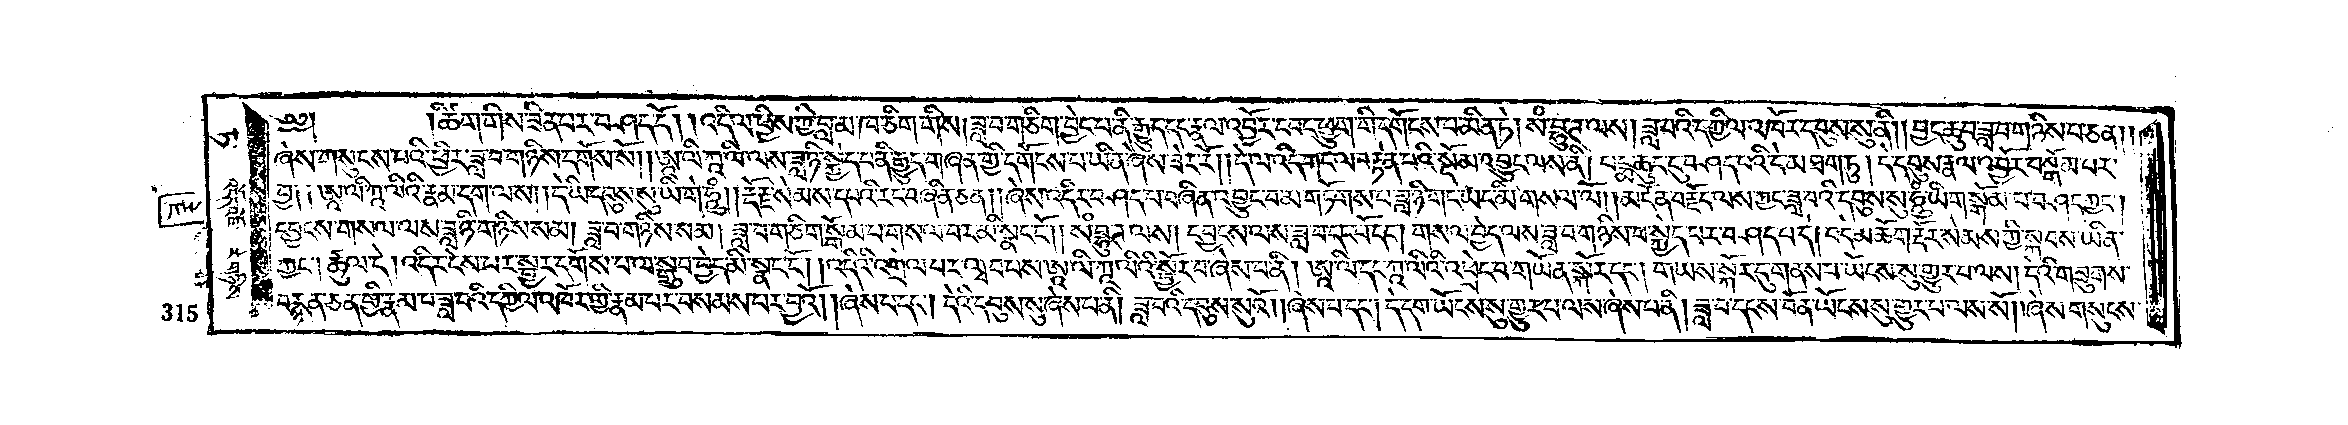༄༅། །ཚིག་གིས་ཟིན་པར་བཤད་དོ། །འདི་ལ་ཕྱིས་ཀྱི་བླ་མ་ཁ་ཅིག་གིས། ཟླ་བ་གཅིག་བྱེད་པ་ནི་རྒྱུད་དང་རྣལ་འབྱོར་དབང་ཕྱུག་གི་དགོངས་པ་མིན་ཏེ། སཾ་བྷུ་ཊ་ལས། ཟླ་བའི་དཀྱིལ་འཁོར་དབུས་སུ་ནི། །བྱང་ཆུབ་ཟླ་བ་གཉིས་པ་ཅན། །
ཞེས་གསུངས་པའི་ཕྱིར་ཟླ་བ་གཉིས་དགོས་སོ། །ཨཱ་ལི་ཀཱ་ལི་ལས་ཟླ་ཉི་སྐྱེད་པ་ནི་རྒྱུད་གཞན་གྱི་དགོངས་པ་ཡིན་ཞེས་ཟེར་རོ། །དེ་ལ་འདི་གང་ལ་བརྟེན་པའི་སྡོམ་འབྱུང་ལས་ནི། པདམ་ཆུང་ངུ་བཤད་པའི་དེ་མ་ཐག་ཏུ། དེ་དབུས་རྣལ་འབྱོར་བསྒོམ་པར་
བྱ། །ཨཱ་ལི་ཀཱ་ལིའི་རྣམ་དག་ལས། །དེ་ཡི་དབུས་སུ་ཡི་གེ་ཧཱུཾ། །རྡོ་རྗེ་སེམས་དཔའི་རང་བཞིན་ཅན། །ཞེས་འདིར་བཤད་པ་བཞིན་འབྱུང་བ་མ་གཏོགས་པ་ཟླ་ཉི་གང་ཡང་མི་གསལ་ལོ། །མངོན་བརྗོད་ལས་ཀྱང་ཟླ་བའི་དབུས་སུ་ཧཱུཾ་ཡིག་སྒོམ་པ་བཤད་ཀྱང་།
དབྱངས་གསལ་ལས་ཟླ་ཉི་གཉིས་སམ། ཟླ་བ་གཉིས་སམ། ཟླ་བ་གཅིག་སྒོམ་པ་གསལ་བར་མི་སྣང་ངོ། །སཾ་བྷུ་ཊ་ལས། དབྱངས་ལས་ཟླ་བ་དང་པོ་དང་། གསལ་བྱེད་ལས་ཟླ་བ་གཉིས་པ་སྐྱེད་པར་བཤད་པ་དེ། བདེ་མཆོག་རྡོར་སེམས་ཀྱི་སྐབས་ཡིན་
ཀྱང་། ཚུལ་དེ། འདིར་ངེས་པར་སྦྱར་དགོས་པ་ལ་སྒྲུབ་བྱེད་མི་སྣང་ངོ། །འདིའི་འགྲེལ་པར་ལྭ་བ་པས་ཨཱ་ལི་ཀཱ་ལིའི་སྦྱོར་བ་ཞེས་པ་ནི། ཨཱ་ལི་དང་ཀཱ་ལིའི་འཕྲེང་བ་གཡོན་སྐོར་དང་། གཡས་སྐོར་དུ་གནས་པ་ཡོངས་སུ་གྱུར་པ་ལས། དེའི་གཟུགས་
བརྙན་ཅན་གྱི་རྣམ་པ་ཟླ་བའི་དཀྱིལ་འཁོར་གྱི་རྣམ་པར་བསམས་པར་བྱའོ། །ཞེས་པ་དང་། དེའི་དབུས་སུ་ཞེས་པ་ནི། ཟླ་བའི་དབུས་སུའོ། །ཞེས་པ་དང་། དེ་དག་ཡོངས་སུ་གྱུར་པ་ལས་ཞེས་པ་ནི། ཟླ་བ་དང་ས་བོན་ཡོངས་སུ་གྱུར་པ་ལས་སོ། །ཞེས་གསུངས་